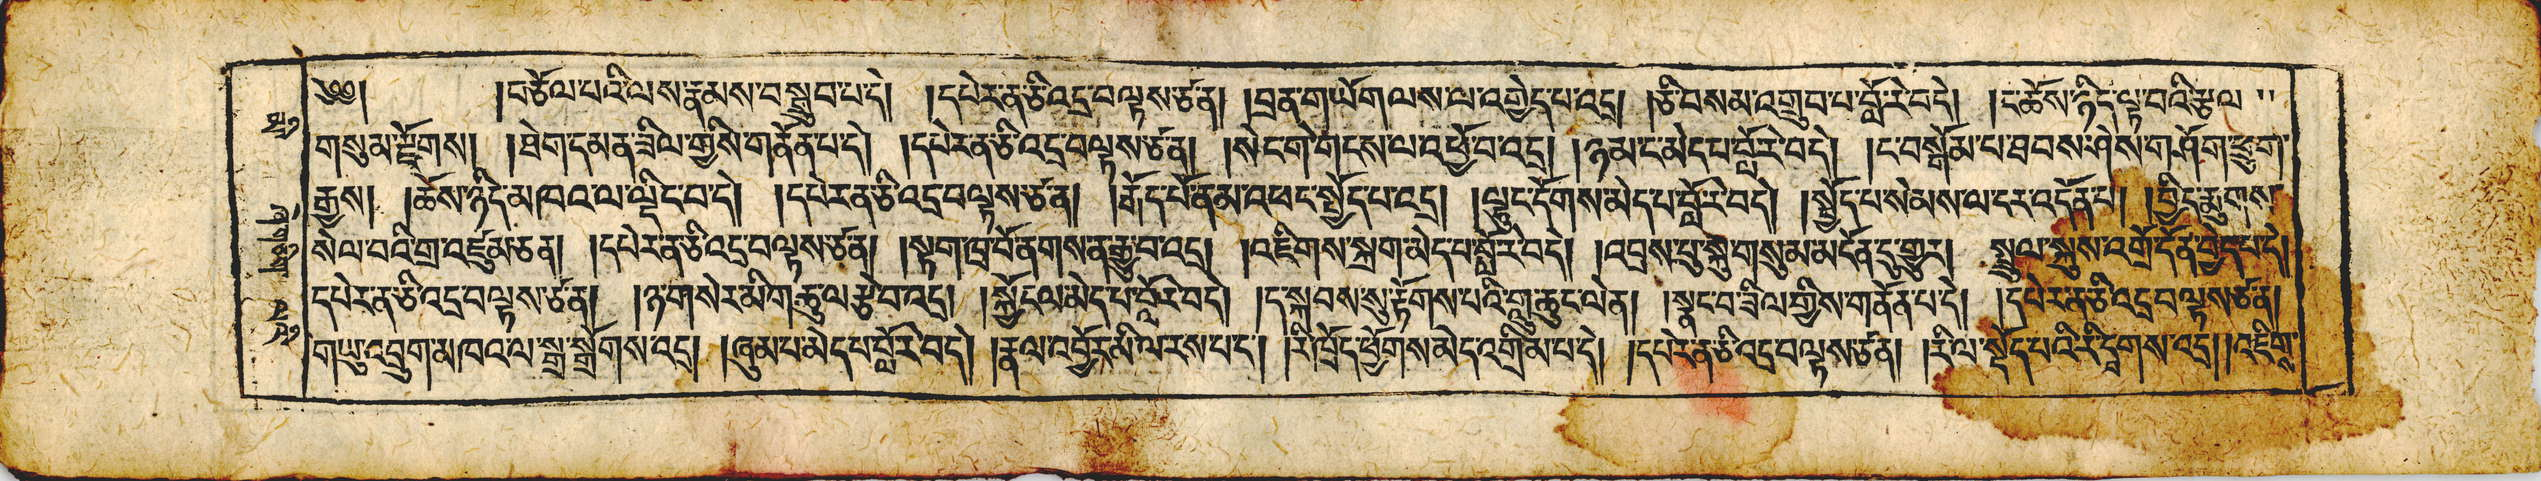བཅོལ་པའི་ལས་རྣམས་བསྒྲུབ་པ་དེ། །དཔེར་ན་ཅི་འདྲ་བལྟས་ཙན། །བྲན་གཡོགལས་ལ་འགྱེད་པ་འདྲ། །ཅི་བསམ་འགྲུབ་པ་བློ་རེ་བདེ། །ང་ཆོས་ཉིད་ལྟ་བའི་རྩལ་
གསུམ་རྫོགས། །ཐེག་དམན་ཟིལ་གྱིས་གནོན་པ་དེ། །དཔེར་ན་ཅི་འདྲ་བལྟས་ཙ་ན། །སེང་གེ་གངས་ལ་འཕྱོ་བ་འདྲ། །ཉམ་ང་མེད་པ་བློ་རེ་བདེ། །ང་བསྒོམ་པ་ཐབས་ཤེས་གཤོག་ཕྲུག་
རྒྱས། །ཆོས་ཉིད་མཁའལ་ལྡིང་བ་དེ། །དཔེར་ན་ཅི་འདྲ་བལྟས་ཙ་ན། །རྒོད་པོ་ནམ་འཕང་སྤྱོད་པ་འདྲ། །ལྷུང་དོགས་མེད་པ་བློ་རེ་བདེ། །སྤྱོད་པ་སེམས་ལ་ངར་འདོན་པ། །བྱིང་རྨུགས་
སེལ་བའི་གྲ་འཛུམ་ཅན། །དཔེར་ན་ཅི་འདྲ་བལྟས་ཙ་ན། །སྟག་ཁྲ་བོ་ནགས་ན་རྒྱུ་བ་འདྲ། །འཇིགས་སྐྲག་མེད་པ་བློ་རེ་བདེ། །འབྲས་བུ་་སྐུ་གསུམ་མངོན་དུ་གྱུར། སྤྲུལ་སྐུས་འགྲོ་དོན་བྱེད་པ་དེ། །
དཔེར་ན་ཅི་འདྲ་བལྟས་ཙ་ན། །ཉ་གསེར་མིག་ཆུ་ལ་རྩེ་བ་འདྲ། །སྐྱོ་ངལ་མེད་པ་བློ་རེ་བདེ། །ད་སྐབས་སུ་རྟོགས་པའི་གླུ་ཆུང་ལེན། །སྣང་བ་ཟིལ་གྱིས་གནོན་པ་དེ། །དཔེར་ན་ཅི་འདྲ་བལྟས་ཙ་ན། །
གཡུ་འབྲུག་མཁའ་ལ་སྒྲ་སྒྲོགས་འདྲ། །ཞུམ་པ་མེད་པ་བློ་རེ་བདེ། །རྣལ་འབྱོར་མི་་ལ་རས་པ་ང་། །རི་ཁྲོད་ཕྱོགས་མེད་འགྲིས་པ་དེ། །དཔེར་ན་ཅི་འདྲ་བལྟས་ཙ་ན། །རི་ལ་སྡོད་པའི་རི་དྭགས་འདྲ། །འཇིག་